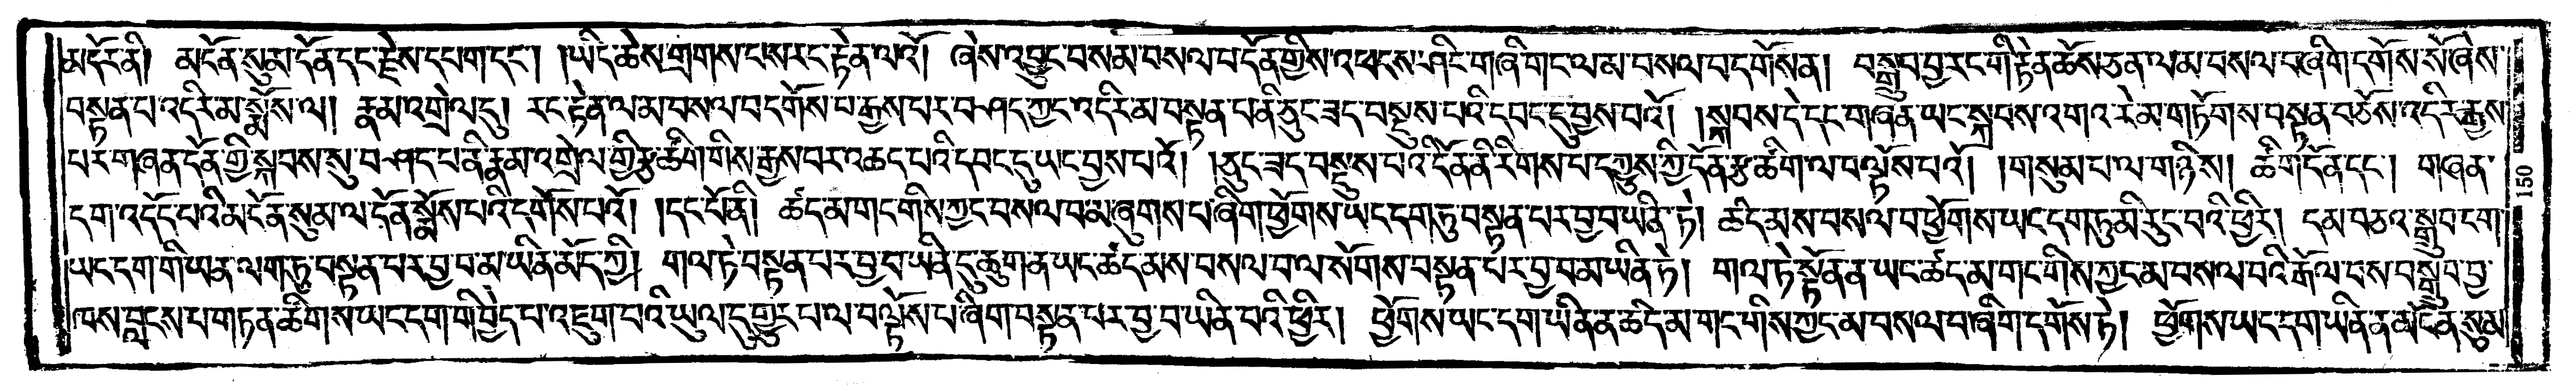མདོར་ནི། མངོན་སུམ་དོན་དང་རྗེས་དཔག་དང་། །ཡིད་ཆེས་གྲགས་པས་རང་རྟེན་ལའོ། ཞེས་འབྱུང་བསམ་བསལ་བ་དོན་གྱིས་འཕངས་ཤིང་གཞི་གང་ལམ་བསལ་བ་དགོས་ན། བསྒྲུབ་བྱ་རང་གི་རྟེན་ཆོས་ཅན་ལམ་བསལ་བ་ཞིག་དགོས་སོ་ཞེས་
བསྟན་པ་འདིར་མ་སྨོས་ལ། རྣམ་འགྲེལ་དུ། རང་རྟེན་ལ་མ་བསལ་བ་དགོས་པ་རྒྱས་པར་བཤད་ཀྱང་འདིར་མ་བསྟན་པ་ནི་ཅུང་ཟད་བསྡུས་པའི་དབང་དུ་བྱས་པའོ། །སྐབས་དེ་དང་གཞན་ཡང་སྐབས་འགའ་རེ་མ་གཏོགས་བསྟན་བཅོས་འདིར་རྒྱས་
པར་གཞན་དོན་གྱི་སྐབས་སུ་བཤད་པ་ནི་རྣམ་འགྲེལ་གྱི་རྩ་ཚིག་གིས་རྒྱས་བར་འཆད་པའི་དབང་དུ་ཡང་བྱས་པའོ། །ཅུང་ཟད་བསྡུས་པའི་དོན་ནི་རིགས་པ་དཀྱུས་ཀྱི་དོན་རྩ་ཚིག་ལ་བལྟོས་པའོ། །གསུམ་པ་ལ་གཉིས། ཚིག་དོན་དང་། གཞན་
དག་འདོད་པའི་མངོན་སུམ་ལ་དོན་སྨོས་པའི་དགོས་པའོ། །དང་པོ་ནི། ཚད་མ་གང་གིས་ཀྱང་བསལ་བ་མ་ཞུགས་པ་ཞིག་ཕྱོགས་ཡང་དག་ཏུ་བསྟན་པར་བྱ་བ་ཡིན་ཏེ། ཚད་མས་བསལ་བ་ཕྱོགས་ཡང་དག་ཏུ་མི་རུང་བའི་ཕྱིར། དམ་བཅའ་སྒྲུབ་ངག་
ཡང་དག་གི་ཡན་ལག་ཏུ་བསྟན་པར་བྱ་བ་མ་ཡིན་མོད་ཀྱི། གལ་ཏེ་བསྟན་པར་བྱ་བ་ཡིན་དུ་ཆུག་ན་ཡང་ཚད་མས་བསལ་བ་ལ་སོགས་བསྟན་པར་བྱ་བ་མ་ཡིན་ཏེ། གལ་ཏེ་སྟོན་ན་ཡང་ཚད་མ་གང་གིས་ཀྱང་མ་བསལ་བའི་རྒོལ་བས་སྒྲུབ་བྱ་
ཁས་བླངས་པ་གཏན་ཚིགས་ཡང་དག་གི་བྱེད་པ་འཇུག་པའི་ཡུལ་དུ་གྱུར་པ་ལ་ལྟོས་པ་ཞིག་བསྟན་པར་བྱ་བ་ཡིན་པའི་ཕྱིར། ཕྱོགས་ཡང་དག་ཡིན་ན་ཚིད་མ་གང་གིས་ཀྱང་མ་བསལ་བ་ཞིག་དགོས་ཏེ། ཕྱོགས་ཡང་དག་ཡིན་ན་མངོན་སུམ་